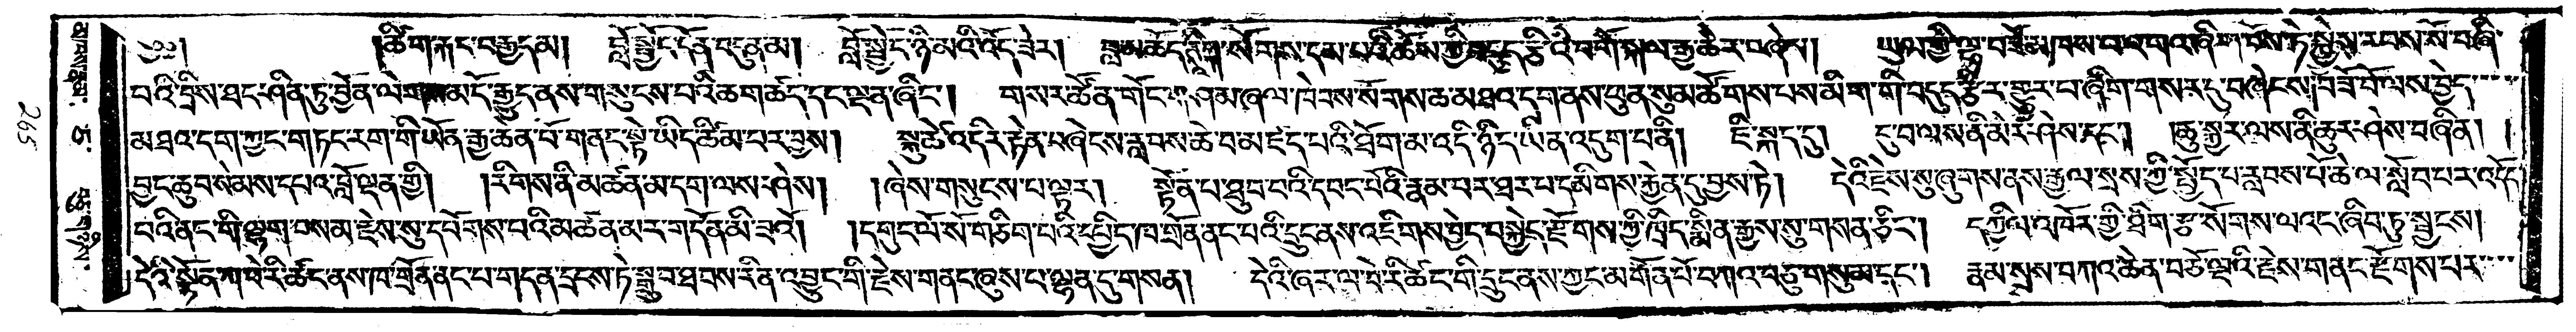༄༅། །ཚིག་རྐང་བརྒྱད་མ། བློ་སྦྱོང་དོན་བདུན་མ། བློ་སྦྱོང་ཉི་མའི་འོད་ཟེར། བླ་མཆོད་ཊཱིཀྐ་སོགས་དམ་པའི་ཆོས་ཀྱི་བདུད་རྩིའི་བགོ་སྐལ་རྒྱ་ཆེར་བཞེས། ཡུལ་གྱི་ལྷ་བཟོ་མཁས་པ་འགའ་ཞིག་བོས་ཏེ་སྐྱེས་རབས་སོ་བཞི་
བའི་བྲིས་ཐང་ཤིན་ཏུ་བྱོན་ལེགས་མདོ་རྒྱུད་ནས་གསུངས་པའི་ཆག་ཚད་དང་ལྡན་ཞིང་། གསར་ཚོན་གོང་གཤམ་ཞལ་ཁེབས་སོགས་ཆ་མཐའ་དག་ནས་ཕུན་སུམ་ཚོགས་པས་མིག་གི་བདུད་རྩིར་གྱུར་པ་ཞིག་གསར་དུ་བཞེངས། བཟོ་བོ་ལས་བྱེད་
མཐའ་དག་ཀྱང་གཏང་རག་གི་ཡོན་རྒྱ་ཆེན་པོ་གནང་སྟེ་ཡིད་ཚིམ་བར་བྱས། སྐུ་ཚེ་འདིར་རྟེན་བཞེངས་རླབས་ཆེ་བ་མཛད་པའི་ཐོག་མ་འདི་ཉིད་ཡིན་འདུག་པ་ནི། ཇི་སྐད་དུ། དུ་བ་ལས་ནི་མེར་ཤེས་དང་། །ཆུ་སྐྱར་ལས་ནི་ཆུང་ཤེས་བཞིན། །
བྱང་ཆུབ་སེམས་དཔའ་བློ་ལྡན་གྱི། །རིགས་ནི་མཚན་མ་དག་ལས་ཤེས། །ཞེས་གསུངས་པ་ལྟར། སྟོན་པ་ཐུབ་པའི་དབང་པོའི་རྣམ་པར་ཐར་པ་དམིགས་རྐྱེན་དུ་བྱས་ཏེ། དེའི་རྗེས་སུ་ཞུགས་ནས་རྒྱལ་སྲས་ཀྱི་སྤྱོད་པ་རླབས་པོ་ཆེ་ལ་སློབ་པར་འདོད་
པའི་ནང་གི་ལྷག་བསམ་རྗེས་སུ་དབོགས་བའི་མཚན་མར་གདོན་མི་ཟའོ། །དགུང་ལོ་སོ་གཅིག་པའི་དཔྱིད་ཁ་གྲོན་ནང་པའི་དྲུང་ནས་འཇིགས་བྱེད་བསྐྱེད་རྫོགས་ཀྱི་ཁྲིད་སྨིན་རྒྱས་སུ་གསན་ཅིང་། དཀྱིལ་འཁོར་གྱི་ཐིག་རྩ་སོགས་ལའང་ཞིབ་ཏུ་སྦྱངས།
དེའི་སྟོན་ཀ་བེ་རི་ཚང་ནས་ཁ་ཕྲོན?་ནང་པ་གདན་དྲངས་ཏེ་སྒྲུབ་ཐབས་རིན་འབྱུང་གི་རྗེས་གནང་ཞུས་པ་ལྷན་དུ་གསན། དེའི་ཞར་ལ་བེ་རི་ཚང་གི་དྲུང་ནས་ཀྱང་མགོན་པོ་བཀའ་བཅུ་གསུམ་དང་། རྣམ་སྲས་བཀའ་ཆེན་བཅོ་ལྔའི་རྗེས་གནང་རྫོགས་པར་